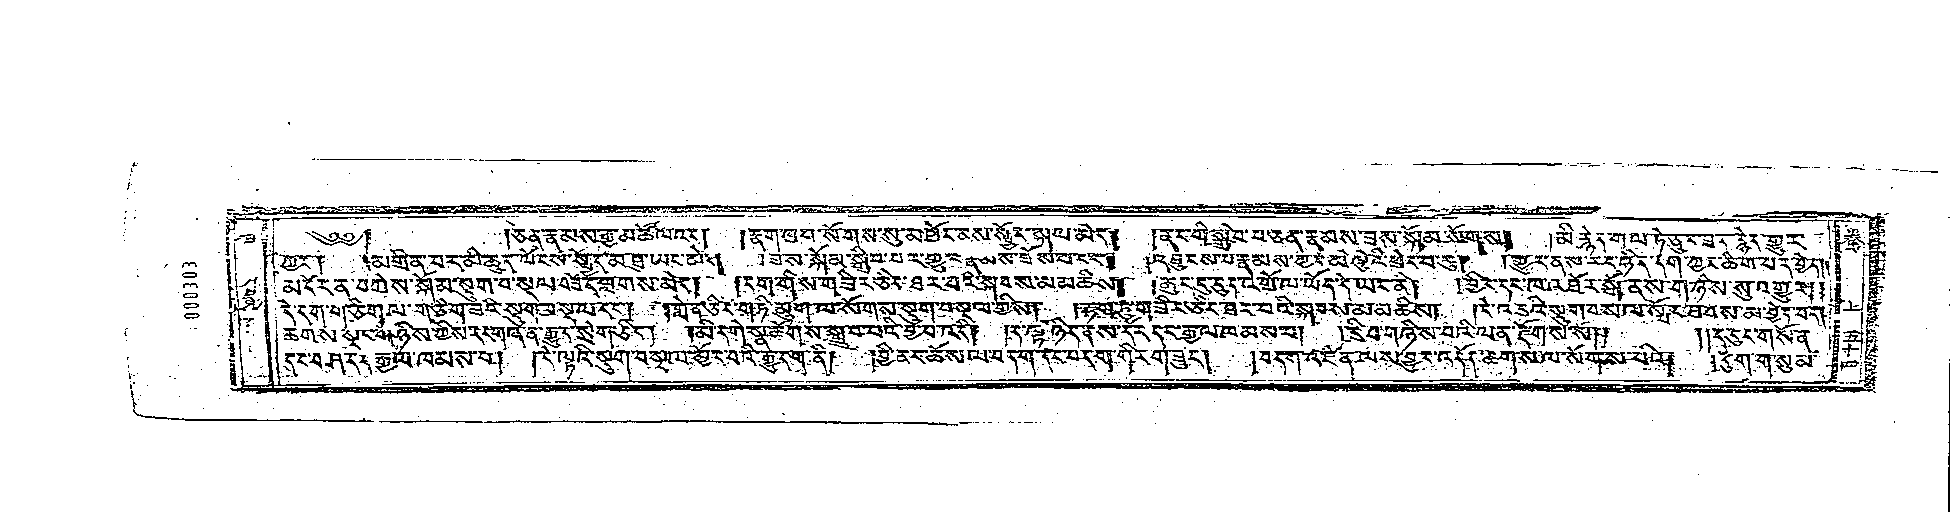༄༅། །ཅན་རྣམས་རྒྱ་མཚོ་ལའང་། །རྣག་ཁྲག་སོགས་སུ་མཐོང་ནས་སྤྱོད་སྐལ་མེད། །ནང་གི་སྒྲིབ་པ་ཅན་རྣམས་ཟས་སྐོམ་སོགས། །མི་རྙེད་གལ་ཏེ་ཅུང་ཟད་རྙེད་གྱུར་
ཀྱང་། །མགྲིན་པར་མི་ཆུད་ལོངས་སྤྱོད་མཐུ་ཡང་མེད། །ཟས་སྐོམ་སྒྲིབ་པར་གྱུར་རྣམས་ཟོས་པ་དང་། །འཐུངས་པ་རྣམས་ཀྱང་མེ་ལྕེའི་ཕྲེང་བ་རུ། །གྱུར་ནས་རང་ཉིད་དག་ཀྱང་ཚིག་པར་བྱེད།།
མདོར་ན་བཀྲེས་སྐོམ་སྡུག་བསྔལ་བཟོད་གླགས་མེད། །དག་གིས་གཟིར་ཅིང་ཐར་པའི་སྐབས་མ་མཆིས། །ཆུང་དུ་དུད་འགྲོ་ལ་ཡོད་དེ་ཡང་ནི། །བྱིང་དང་ཁ་འཐོར་སྒོ་ནས་གཉིས་སུ་འགྱུར།།
དེ་དག་གཅིག་ལ་གཅིག་ཟའི་སྡུག་བསྔལ་དང་། །གླེན་ཅིང་གཏི་མུག་ལ་སོགས་སྡུག་བསྔལ་གྱིས། །རྟག་ཏུ་གཟིར་ཅིང་ཐར་བའི་སྐབས་མ་མཆིས། །དེ་འདྲའི་སྡུག་བསྔལ་སྤོང་ཐབས་མ་བྱེད་པར།
ཆགས་སྡང་གཉིས་ཀྱིས་རང་གཞན་རྒྱུད་སྲེག་ཅིང་། །མི་དགེ་སྣ་ཚོགས་སྒྲུབ་པའི་བྱ་བ་འདི། །ད་ལྟ་ཉིད་ནས་དོར་དང་རྒྱལ་ཁམས་པ། །དྲི་བ་གཉིས་བའི་ལན་རྫོགས་སོ།། །།ད་དུང་གསོན་
དང་བཤད་དོ་རྒྱལ་ཁམས་པ། །དེ་ལྟའི་སྡུག་བསྔལ་མྱོང་བའི་རྒྱུ་དག་ནི། །ཕྱི་ནང་ཆོས་ལ་བདག་དང་བདག་གིར་གཟུང་། །བདག་འཛིན་ལས་བྱུང་འདོད་ཆགས་ལ་སོགས་པའི། །དུག་གསུམ་